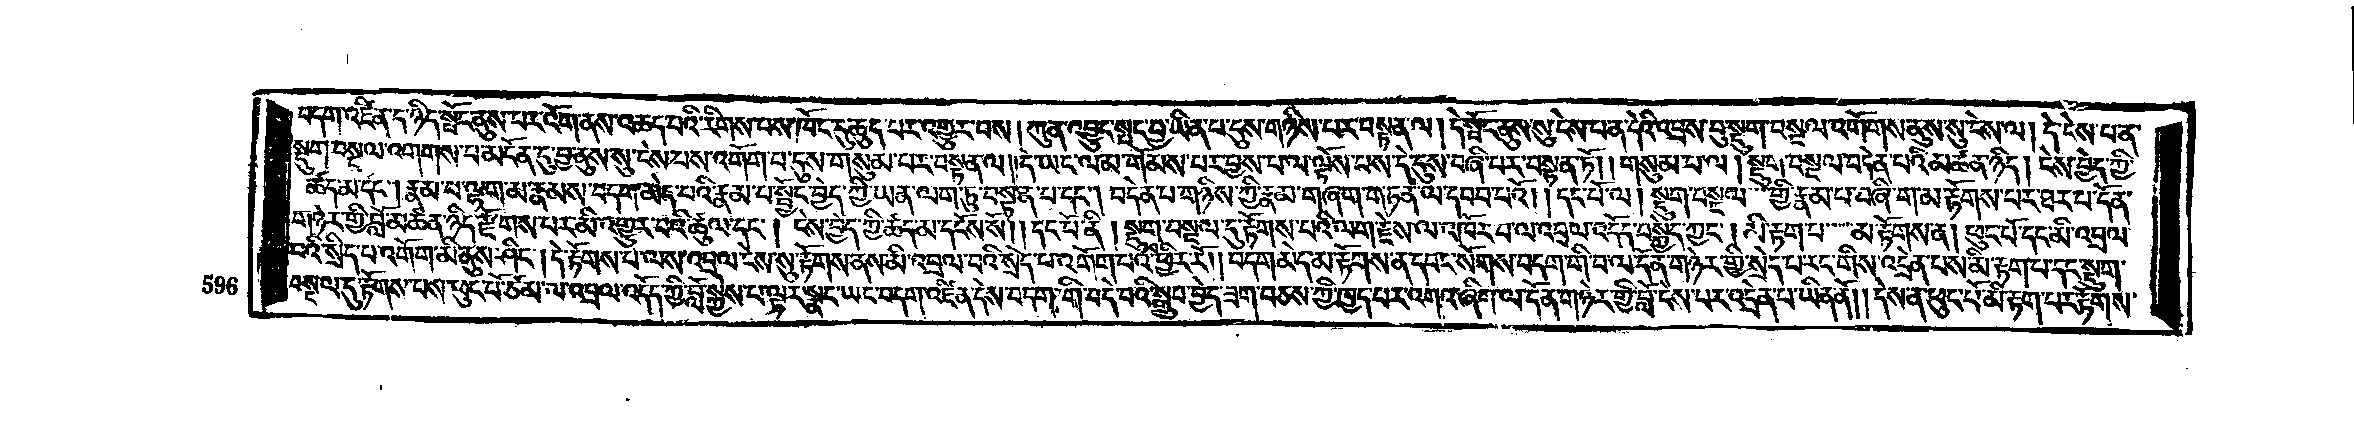བདག་འཛིན་དེ་ཉིད་སྤོང་ནུས་པར་འོག་ནས་འཆད་པའི་རིགས་པས་ཁོང་དུ་ཆུད་པར་འགྱུར་བས། ཀུན་འབྱུང་སྤང་བྱ་ཡིན་པ་དུས་གཉིས་པར་བསྟན་ལ། དེ་སྤོང་ནུས་སུ་ངེས་པ་ན་དེའི་འབྲས་བུ་སྡུག་བསྔལ་འགོགས་ནུས་སུ་ངེས་ལ། དེ་ངེས་པ་ན་
སྡུག་བསྔལ་འགགས་པ་མངོན་དུ་བྱ་ནུས་སུ་ངེས་པས་འགོག་པ་དུས་གསུམ་པར་བསྟན་ལ། །དེ་ཡང་ལམ་གོམས་པར་བྱས་པ་ལ་ལྟོས་པས་དེ་དུས་བཞི་པར་བསྟན་ཏོ། །གསུམ་པ་ལ། སྡུག་བསྔལ་བདེན་པའི་མཚན་ཉིད། ངེས་བྱེད་ཀྱི་
ཚད་མ་དང་། རྣམ་པ་ལྷག་མ་རྣམས་བདག་མེད་པའི་རྣམ་པ་སྦྱོང་བྱེད་ཀྱི་ཡན་ལག་ཏུ་བསྟན་པ་དང་། བདེན་པ་གཉིས་ཀྱི་རྣམ་གཞག་གཏན་ལ་དབབ་པའོ། །དང་པོ་ལ། སྡུག་བསྔལ་བདེན་པའི་མཚན་ཉིད། ངེས་བྱེད་ཀྱི་
གཉེར་གྱི་བློ་མཚན་ཉིད་རྫོགས་པར་མི་འགྱུར་བའི་ཚུལ་དང་། ངེས་བྱེད་ཀྱི་ཚད་མ་དངོས་སོ། །དང་པོ་ནི། སྡུག་བསྔལ་དུ་རྟོགས་པའི་ལག་རྗེས་ལ་འཁོར་བ་ལ་འབྲལ་འདོད་བསྐྱེད་ཀྱང་། མི་རྟག་པ་མ་རྟོགས་ན། ཕུང་པོ་དང་མི་འབྲལ་
བའི་སྲིད་པ་འགོག་མི་ནུས་ཤིང་། དེ་རྟོགས་པ་ལས་འབྲལ་ངེས་སུ་རྟོགས་ནས་མི་འབྲལ་བའི་སྲེད་པ་འགོག་པའི་ཕྱིར་རོ། །བདག་མེད་མ་རྟོགས་ན་དབང་སོགས་བདག་གི་བ་ལ་དོན་གཉེར་གྱི་སྲེད་པ་རང་གིས་འདྲེན་པས་མི་རྟག་པ་དང་སྡུག་
བསྔལ་དུ་རྟོགས་པས་ཕུང་པོ་ཙམ་ལ་འབྲལ་འདོད་ཀྱི་བློ་སྐྱེས་པ་ལྟར་སྣང་ཡང་བདག་འཛིན་དེས་བདག་གི་བདེ་བའི་སྒྲུབ་བྱེད་ཟག་བཅས་ཀྱི་ཁྱད་པར་འགའ་ཞིག་ལ་དོན་གཉེར་གྱི་བློ་ངེས་པར་འདྲེན་པ་ཡིན་ནོ། །དེས་ན་ཕུང་པོ་མི་རྟག་པར་རྟོགས་